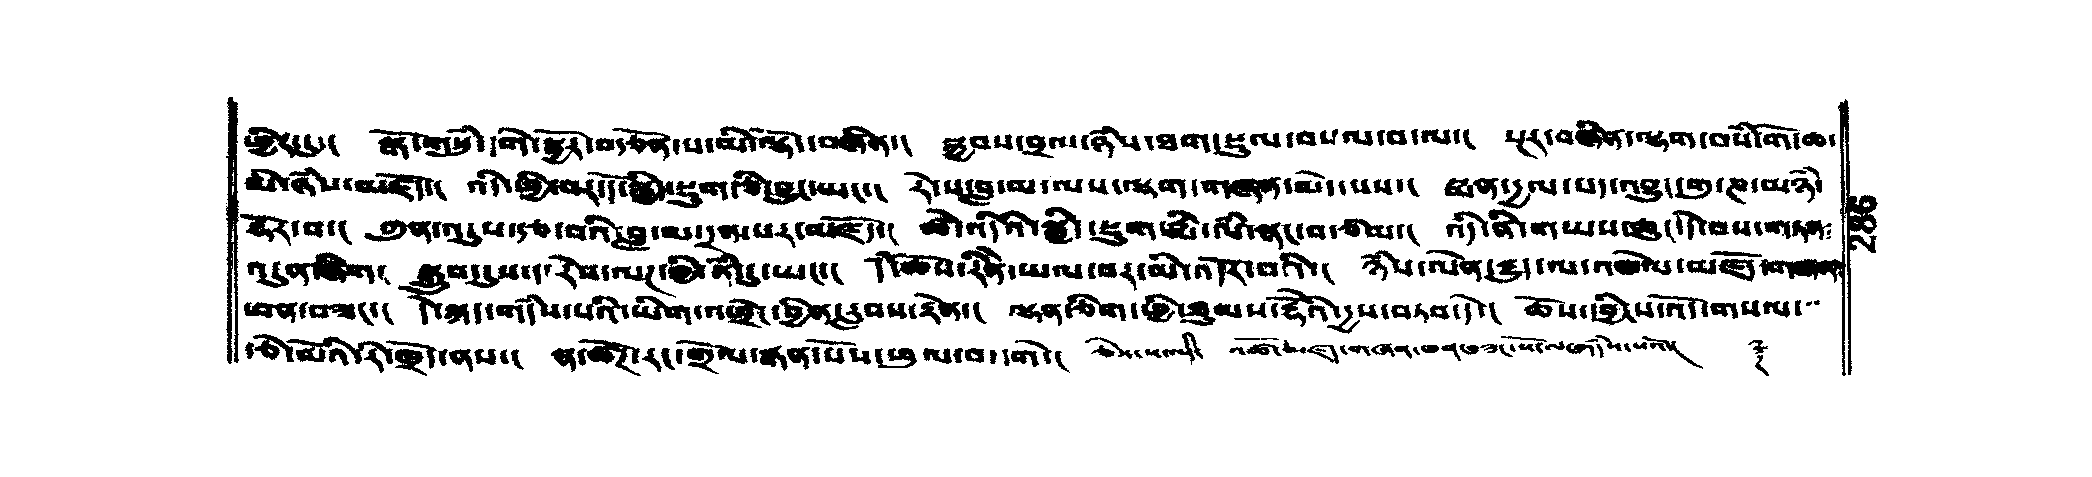ཕྱིར་དུ། །སྒོ་གསུམ་དགེ་སྦྱོར་བརྩོན་པ་མི་ལྷོད་བཞིན། །སྐྱབས་བྲལ་ཉམས་ཐག་སྡུག་བསྔལ་བསལ་བ་ལ། །སྔར་བཞིན་ལྷག་བསམ་གོ་ཆ་
མི་ཉམས་མཛོད། །འདི་ཕྱི་བར་དོ་སྐྱིད་སྡུག་ཅི་བྱུང་ཡང་། །རེ་ས་བླ་མ་ལས་ལྷག་གཞན་མེད་པས། །སྨན་རྒྱལ་པད་འབྱུང་གུ་ཎ་མཉམ་
རྡོར་བར། །ཀུན་འདུས་རྩ་བའི་བླ་མ་དྲན་པར་མཛོད། །ཚེ་འདིའི་སྐྱིད་སྡུག་རྨི་ལམ་སྣང་བ་ཙམ། །འདི་ནི་གཡས་ཆུང་དེ་བས་གཏན་
འདུན་ཞིག །སྒྲུབ་དུས་ད་རེས་ལགས་གྱི་ནམ་དུ་ཡང་། །དམ་ཆོས་རིན་ཆེན་ཡལ་བར་མི་འདོར་བའི། །ཉམས་ལེན་རྒྱུད་ལ་འཁེལ་མཛོད་གཞན་
ཕན་བཟང་། །དེ་སྐད་གདམས་པའི་ཡིག་འཕྲེང་བྱིན་རླབས་རྟེན། །ལྷན་ཅིག་ཕྱི་ཐུམས་རྡོ་རྗེའི་རྒྱས་བཏབ་དེ། །ཆོས་དབྱིངས་འོད་གསལ་
རྩེ་མོའི་རི་ཁྲོད་ནས། །སྣ་ཚོགས་རང་གྲོལ་རྒན་པོས་ཕུལ་བ་དགེཅེས་པ་འདི་འཚོ་མཛད་གཞན་ཕན་བཟང་པོ་ལ་གདམས་པའོ།། ༈